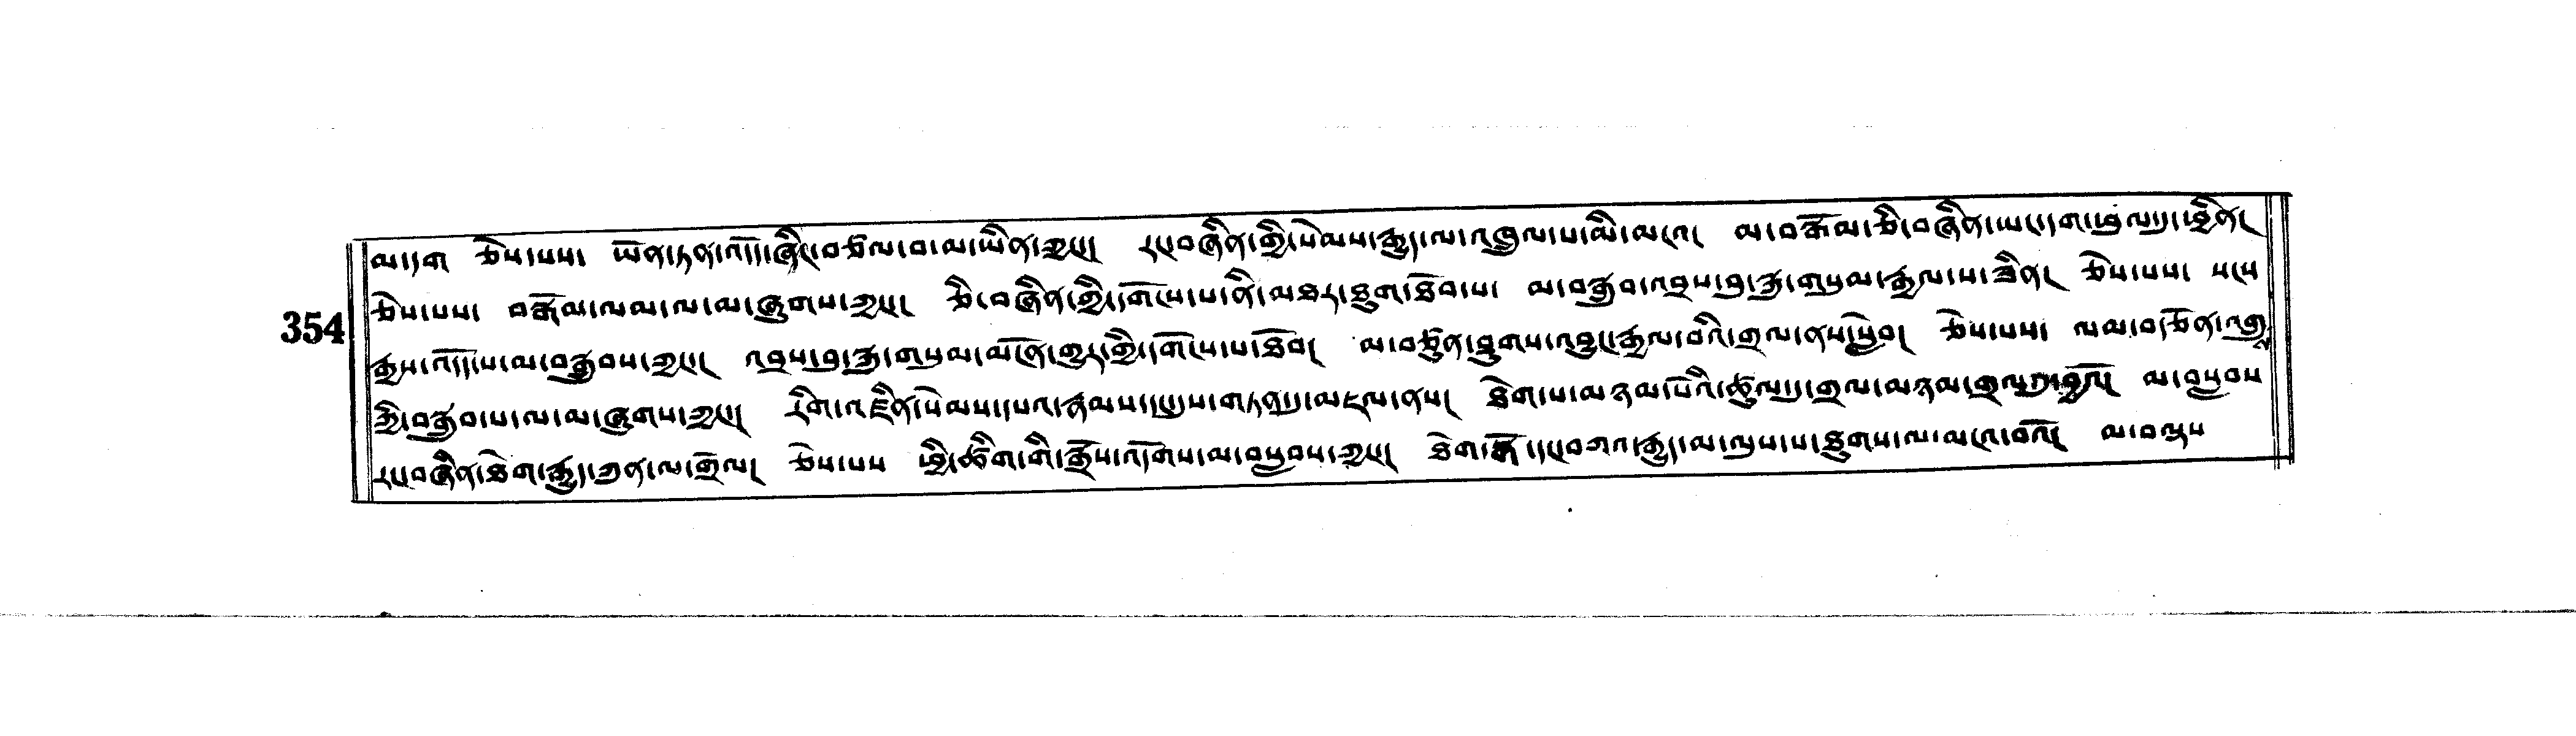མ་དག་ ཅེས་པས། ཡོན་ཏན་འདོད་ཅིང་བཙལ་བ་མ་ཡིན་ཀྱང་། རང་བཞིན་གྱི་སེམས་རྒྱུད་ལ་འཁྲུལ་པ་མི་མངའ། མ་བསྒོམ་ཅི་བཞིན་ཡང་དག་ཕུལ་དུ་ཕྱིན། 
ཅེས་པས། སྒོམ་ལམ་ལ་མ་ཞུགས་ཀྱང་། ཅི་བཞིན་གྱི་དགོངས་པ་ནི་མཐར་ཐུག་ཐོབ་པ། མ་བསྒྲུབ་འབྲས་བུ་སྐུ་གསུམ་རྒྱལ་ས་ཟིན། ཅེས་པས། སངས་
རྒྱས་འདོད་པ་མ་བསྒྲུབས་ཀྱང་། འབྲས་བུ་སྐུ་གསུམ་མངོན་གྱུར་གྱི་དགོངས་པ་ཐོབ། མ་བཙུན་ཤུགས་འབྱུང་རྒྱལ་བའི་གྲལ་ནས་སླེབ། ཅེས་པས། ལམ་བརྩོན་འགྲུས་
ཀྱི་སྒྲུབ་པ་ལ་མ་ཞུགས་ཀྱང་། རིག་འཛིན་སེམས་དཔའ་རྣམས་དང་དུས་གཏན་དུ་མཇལ་ནས། ཐེག་པ་མཉམ་པོའི་ཚུལ་དུ་གྲལ་མཉམ་གྲལ་དུ་བྱའོ། མ་བསླབས་
རང་བཞིན་ཐེག་རྒྱུད་ཀུན་ལ་གྲོལ། ཅེས་པས། ཕྱི་ཚིག་གི་སྒྲོ་འདོགས་མ་བསླབས་ཀྱང་། ཐེག་སྒོ་དང་བཀའ་རྒྱུད་མ་ལུས་པ་ཐུགས་ལ་མངའ་བའོ། མ་བལྟས་